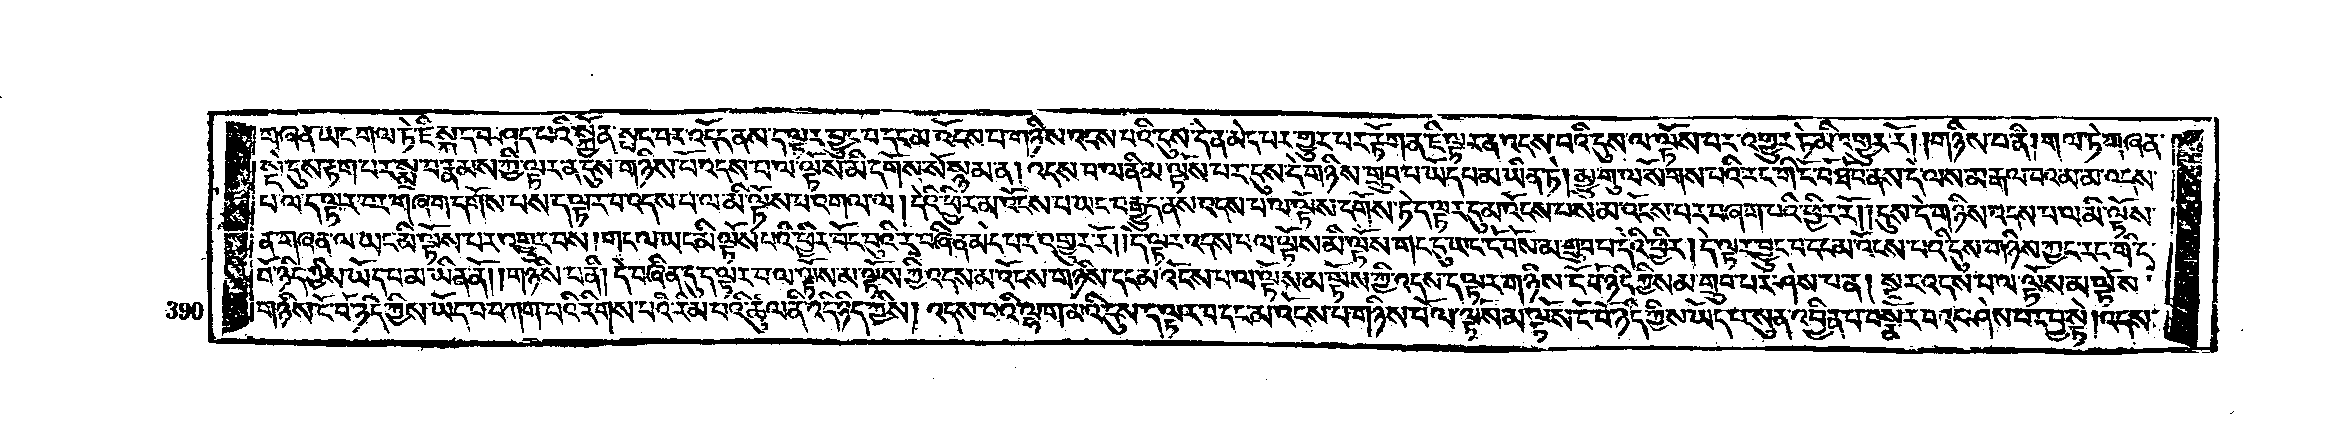གཞན་ཡང་གལ་ཏེ་ཇི་སྐད་བཤད་པའི་སྐྱོན་སྤང་བར་འདོད་ནས་ད་ལྟར་བྱུང་བ་དང་མ་འོངས་པ་གཉིས་འདས་པའི་དུས་དེ་ན་མེད་པར་གྱུར་པར་རྟོག་ན་ཇི་ལྟར་ན་འདས་པའི་དུས་ལ་ལྟོས་པར་འགྱུར་ཏེ་མི་འགྱུར་རོ། །གཉིས་པ་ནི། གལ་ཏེ་གཞན་
སྡེ་དུས་རྟག་པར་སྨྲ་བ་རྣམས་ཀྱི་ལྟར་ན་དུས་གཉིས་པོ་འདས་པ་ལ་ལྟོས་མི་དགོས་སོ་སྙམ་ན། འདས་པ་ལ་ནི་མ་ལྟོས་པར་དུས་དེ་གཉིས་གྲུབ་པ་ཡོད་པ་མ་ཡིན་ཏེ། མྱུ་གུ་ལ་སོགས་པའི་རང་གི་ངོ་བོ་ཐོབ་ནས་དེ་ལས་མ་རྒལ་བའམ་མ་འདས་
པ་ལ་ད་ལྟར་བར་གཞག་དགོས་པས་ད་ལྟར་བ་འདས་པ་ལ་མི་ལྟོས་པ་འགལ་ལ། དེའི་ཕྱིར་མ་འོངས་པ་ཡང་བརྒྱུད་ནས་འདས་པ་ལ་ལྟོས་དགོས་ཏ་ད་ལྟར་དུ་མ་འོངས་པས་མ་འོངས་པར་བཞག་པའི་ཕྱིར་རོ། །དུས་དེ་གཉིས་འདས་པ་ལ་མི་ལྟོས་
ན་གཞན་ལ་ཡང་མི་ལྟོས་པར་འགྱུར་བས། གང་ལ་ཡང་མི་ལྟབ་བའི་ཕྱིར་བོང་བུའི་རྭ་བཞིན་མེད་པར་འགྱུར་རོ། །དེ་ལྟར་འདས་པ་ལ་ལྟོས་མི་ལྟོས་གང་དུ་ཡང་ངོ་བོས་མ་གྲུབ་པ་དེའི་ཕྱིར། ད་ལྟར་བྱུང་བ་དང་མ་འོངས་པའི་དུས་གཉིས་ཀྱང་རང་གི་ངོ་
བོ་ཉིད་ཀྱིས་ཡོད་པ་མ་ཡིན་ནོ། །གཉིས་པ་ནི། དེ་བཞིན་དུ་ད་ལྟར་བ་ལ་ལྟོས་མ་ལྟོས་ཀྱི་འདས་མ་འོངས་གཉིས་དང་མ་འོངས་པ་ལ་ལྟོས་མ་ལྟོས་ཀྱི་འདས་ད་ལྟར་གཉིས་ངོ་བོ་ཉིད་ཀྱིས་མ་གྲུབ་པར་ཤེས་པ་ན། སྔར་འདས་པ་ལ་ལྟོས་མ་ལྟས་
གཉིས་ངོ་བོ་ཉིད་ཀྱིས་ཡོད་པ་བཀག་པའི་རིགས་པའི་རིམ་པའི་ཚུལ་ནི་འདི་ཉིད་ཀྱིས། འདས་པའི་ལྷག་མའི་དུས་ད་ལྟར་བ་དང་མ་འོངས་པ་གཉིས་པོ་ལ་ལྟོས་མ་ལྟོས་ངོ་བོ་ཉིད་ཀྱིས་ཡོད་པ་སུན་འབྱིན་པ་བསྣོར་བའང་ཤེས་པར་བྱ་སྟེ། འདས་